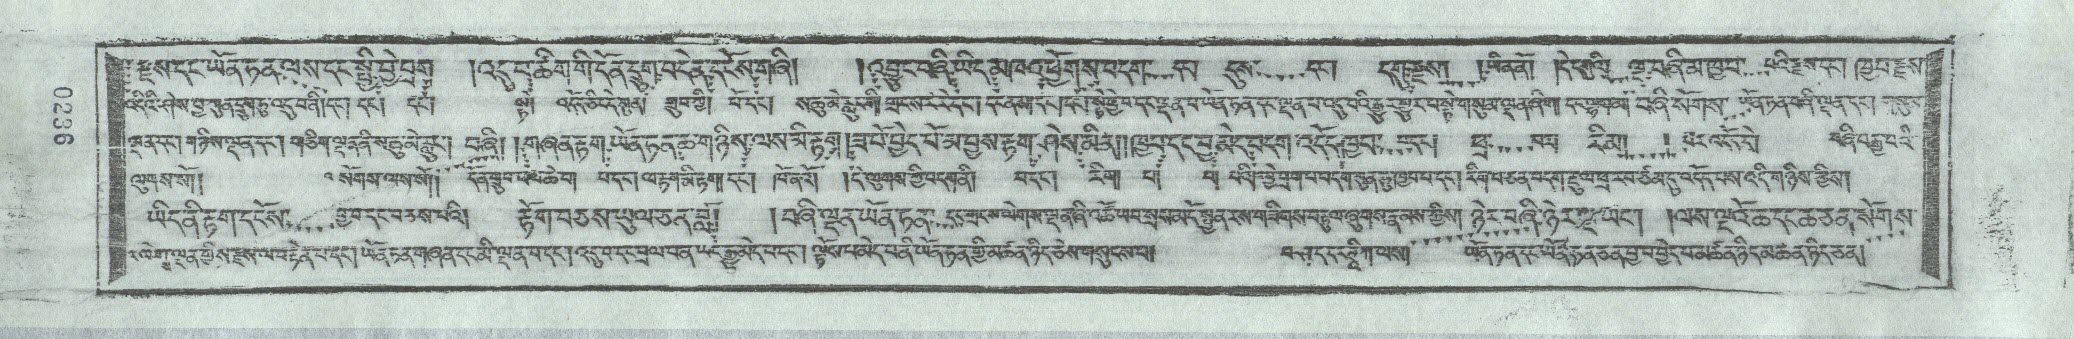རྫས་དང་ཡོན་ཏན་ལས་དང་སྤྱི་བྱེ་བྲག། །འདུ་བ་ཚིག་གི་དོན་དྲུག་བདེན་དངོས་གཞི། །འབྱུང་བཞི་ཡིད་མཁའ་ཕྱོགས་བདག་དང་། དུས་དང་། དགུ་རྫས། །ཡིན་ནོ། །དེ་དགུའི། ལྔ་བཞི་མཁྱབ་བའི་རྫས་དང་། ཁྱབ་རྫས་
འདིའི་ཤེས་བྱ་ཀུན་དྲུག་ཏུ་འདུ་བ་ནི་དང་། དང་། དང་། སྟེ། འདོད་ཅིང་དེ་ཀུན། གྲུབ་ཀྱི། པོ་དང་། མཆུ་མེ་ཆུང་གི་གྲངས་རེ་རེ་དང་། དང་ནག་དང་། པོ་སྟེ་ལྡན་པ་ཡོན་ཏན་ལྡན་པ་འདུ་པའི་རྒྱུར་བ་སྟེ་གསུམ་ལྡན་ཞིག། ??་བཞི་སོགས་ཡོན་ཏན་བའི་ལྡན་དང་། གསུམ་
ལྡན་དང་། གཉིས་ལྡན་དང་། གཅིག་ལྡན་ནི་ཆུ་མེ་རླུང་། བཞི། གཞན་རྟག་ཡོན་ཏན་ཆ་གཉིས་ལས་མི་རྟག། ཟ་བོ་བྱེད་པོ་མ་བྱས་རྟག་ཤེས་མིན། །ཁྱད་དང་བྱ་མེད་བདག་འདོད་ཁྱབ་པ་དང་། ཕྲ་མ། རིམ། བར་འདོད། བཞི་བཅུའི་
ལུགས་སོ། །སོགས་ལས་སོ། །དོན་གྲུབ་ཕལ་ཚབ། བ་དང་། ལ་རྟག་མི་རྟག་དང་། ཁོ་ནའོ། །དེ་ལུགས་ཀྱི་བདག་ནི། པ་དང་། རིག་པ། བ། པའི། བྱེ་བྲག་བ་དག་ཀུན་ཏུ་ཁྱབ་པ་དང་། རིག་པ་ཅན་བ་དག་རྡུལ་ཕྲ་རབ་ཙམ་དུ་འདོད་པས་འདི་གཉིས་ཀྱིས།
ཡིད་ནི་རྟག་དངོས་བྱ་བ་དང་བཅས་བའི། རྟོག་བཅས་ཡུལ་ཅན་བློ། །བཞི་ལྡན་ཡོན་ཏན་དང་གྲངས་ལེགས་ལྡན་ཞི་འཚེ་ཡབ་སྲས་མོད་སྦྱན་རས་གཟིགས་བརྟུལ་ཞུགས་རྣམས་ཀྱི་ཉེར་བཞི་ཉེར་ལྔ་ཡང་། །ལས་ལྔའི་ཆ་དང་ཆ་ཅན་སོགས་
ལེགས་ལྡན་གྱི་རྫས་ལ་བརྟེན་པ་དང་། ཡོན་ཏན་གཞན་དང་མི་ལྡན་པ་དང་། འདུ་བ་དང་འབྲལ་བ་ན་ཡང་རྒྱུ་མེད་པ་དང་། སྟོས་བ་མེད་པ་ནི་ཡོན་ཏན་གྱི་མཚན་ཉིད་ཅེས་གསུངས་པ། བཤད་རིགས་ལས། ཡོན་ཏན་ཡོན་ཏན་ཅན་བྱ་བྱེད་པ་མཚན་ཉིད་མཚན་ཉིད་ཅན།